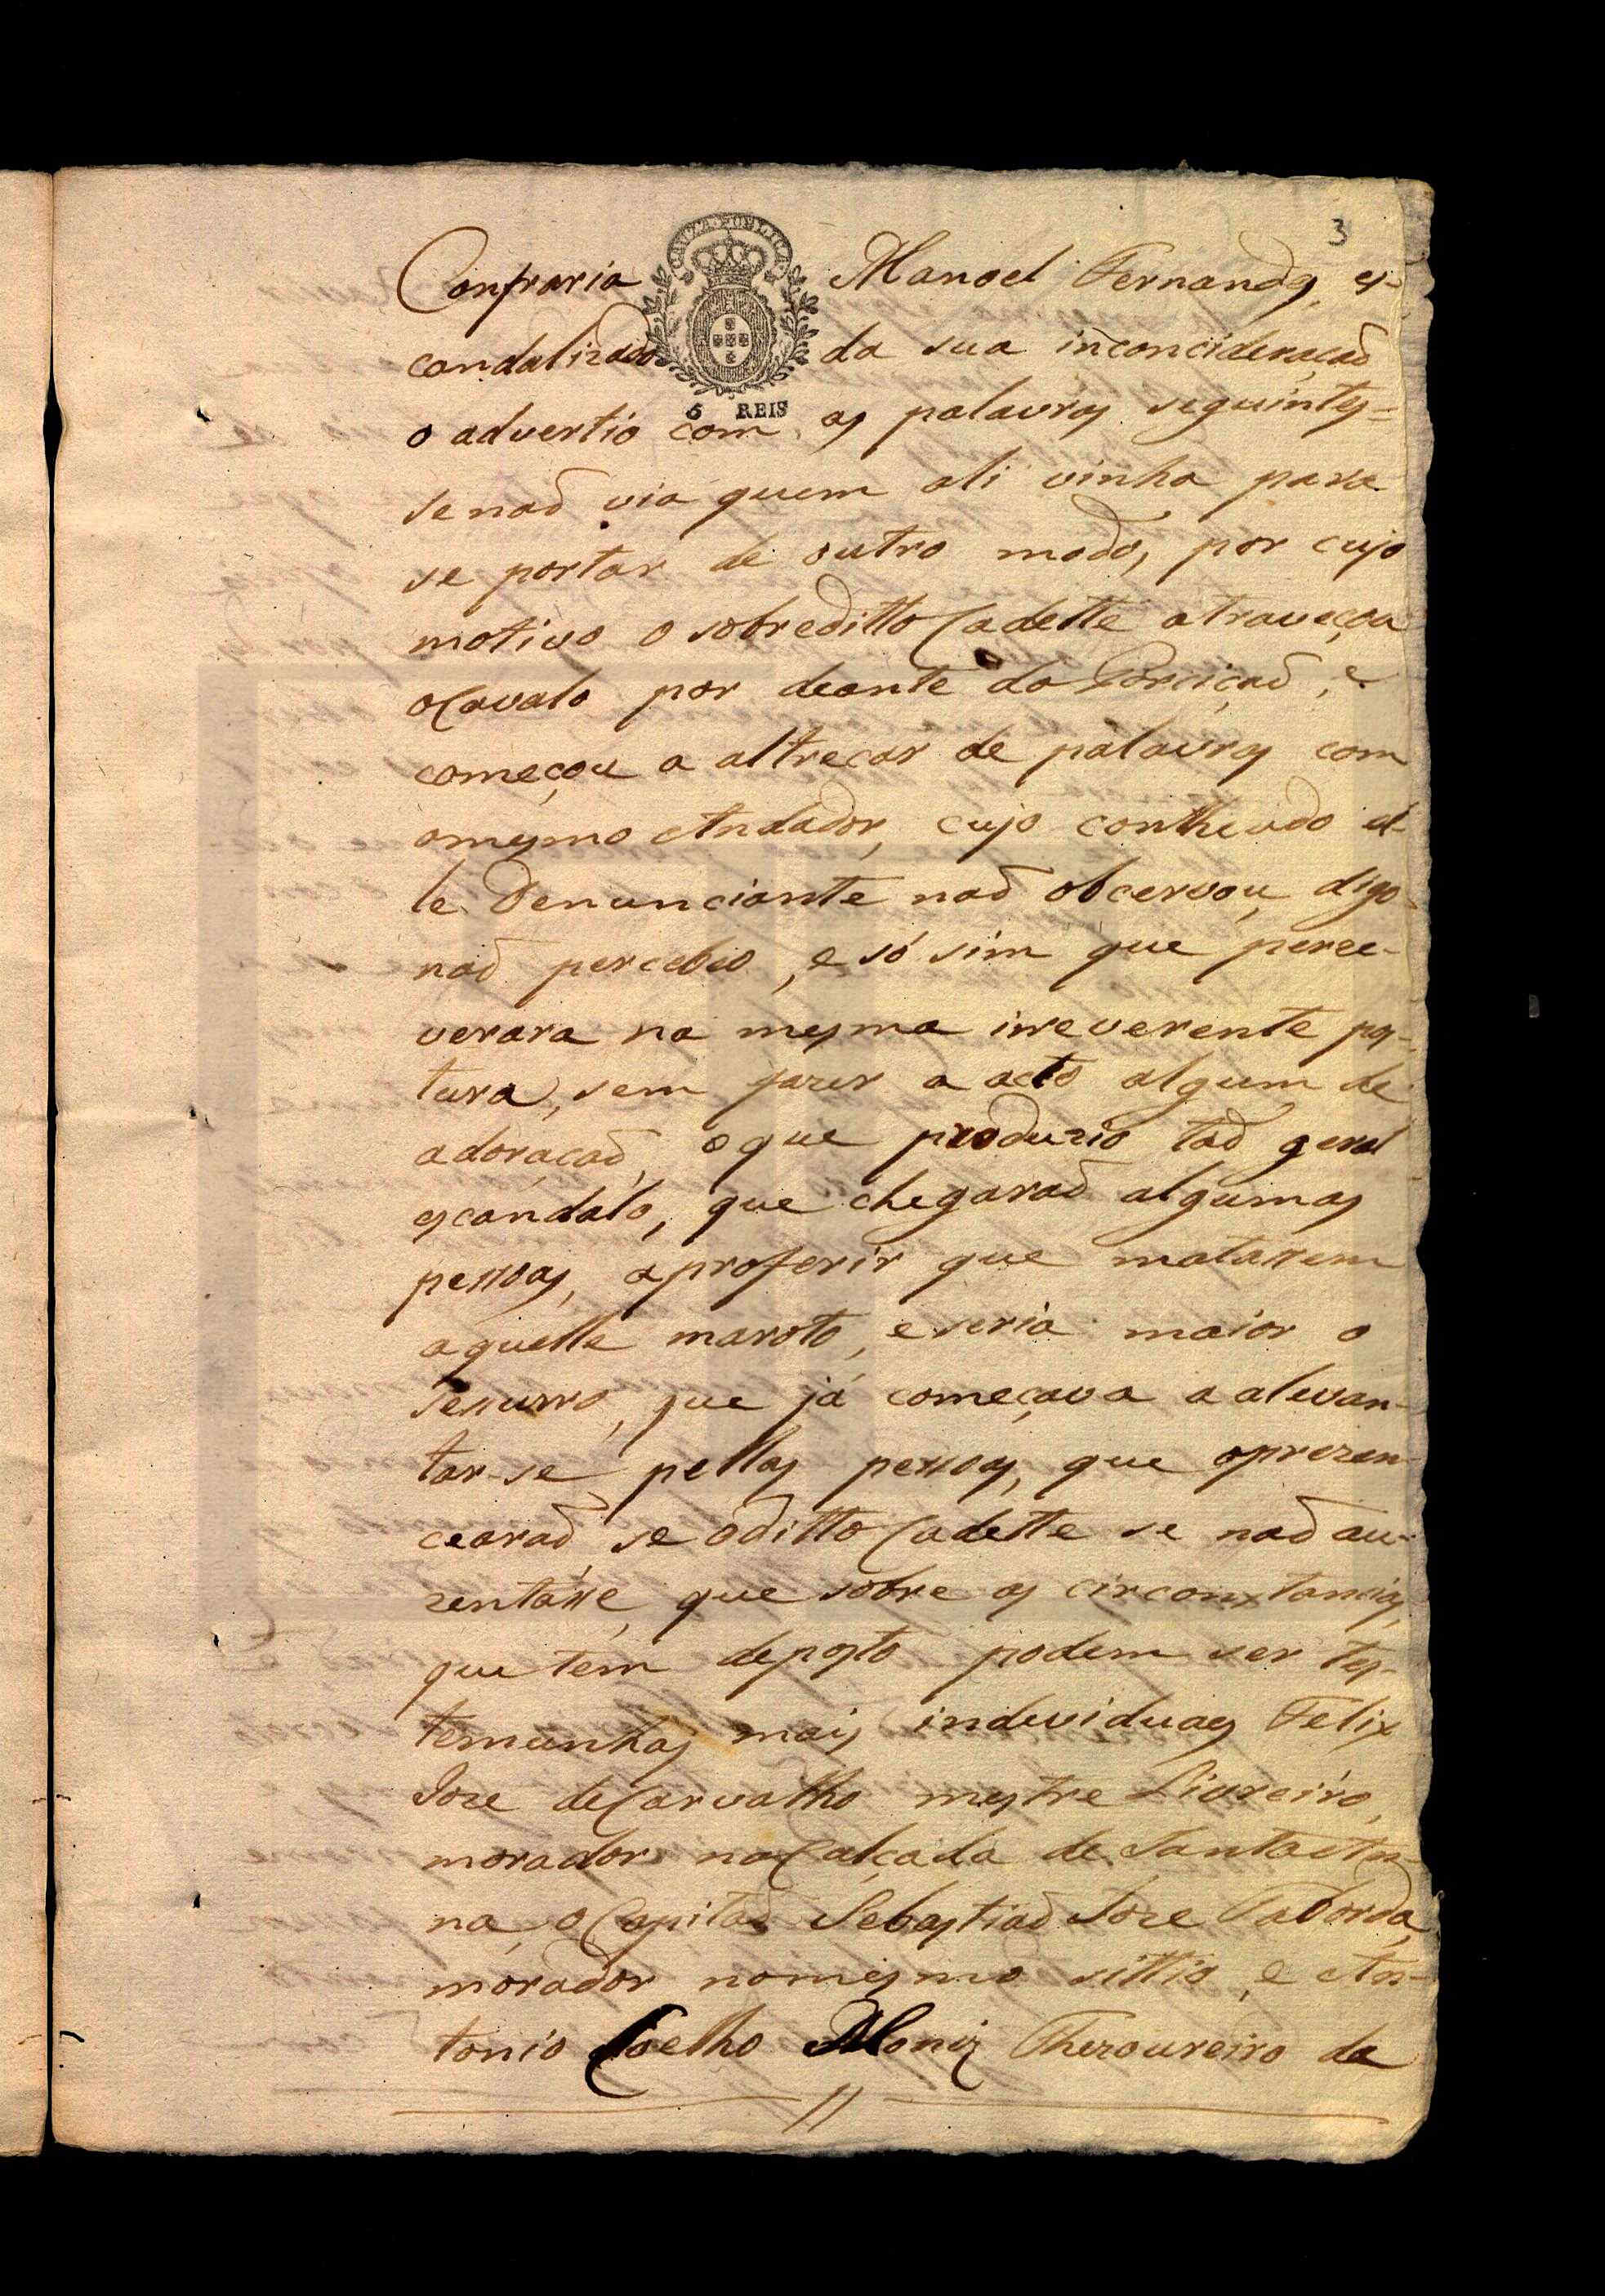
Confraria Manoel Fernandes es
candalizado da sua inconcideraçaõ
o advertio com as palavras seguintes
se naõ via quem ali vinha para
se portar de outro modo, por cujo
motivo o sobreditto Cadette atraveçou
a Cavalo por deante da Porciçaõ, e
começou a altrecar de palavras com
o mesmo Andador, cujo contheudo el
le denunciante naõ observou, digo
naõ percebeo, e só sim que perce
verara na mesma irreverente pos
tura, sem fazer a acto algum de
adoraçaõ, o que produzio taõ geral
escandalo, que chegaraõ algumas
pessoas, a proferir que matassem
aquelle maroto, e seria maior o
sessurro, que já começava a alevan
tar-se pellas pessoas, que a prezen
cearaõ se o ditto Cadette se naõ au
zentasse, que sobre as circonstancias,
que tem deposto podem ser tes
temunhas mais indeviduaes Felix
Ioze de Carvalho mestre Livreiro,
morador na Calçada de Santa An
na, o Capitaõ Sebastiaõ Ioze Taborda,
morador no mesmo sittio, e An
tonio Coelho Moniz Thezoureiro da
